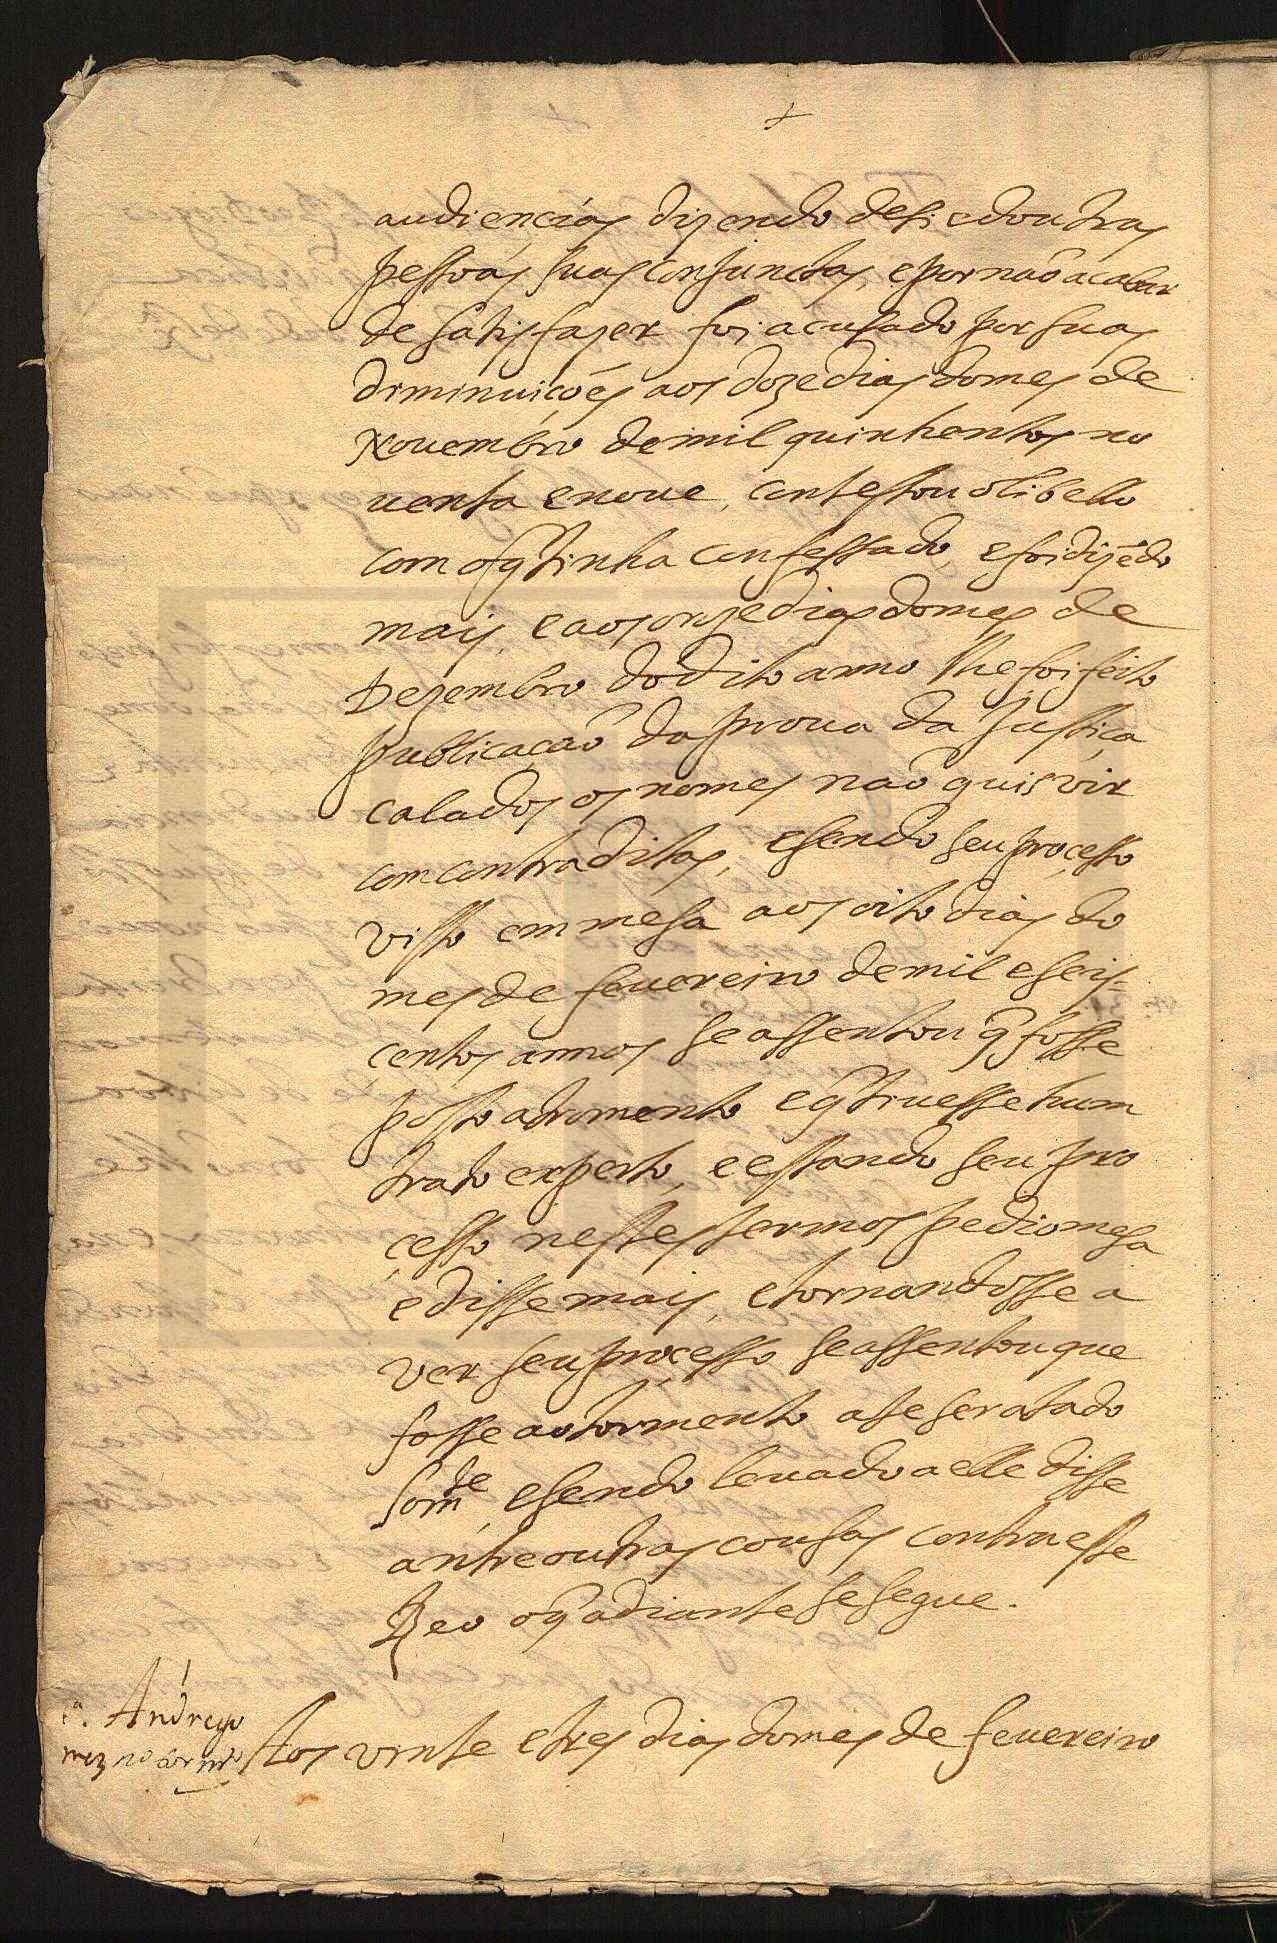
audiençias dizendo de si e doutras
pessoas suas conJunctas, e por naõ acabar
de satisfazer foi acusado por suas
diminuiçoẽs aos doze dias do mes de
Nouembro de mil quinhentos no
uenta e noue, contestou o libello
com o q̄ tinha confessado, e foi dizēdo
mais, e aos onze dias do mes de
Dezembro do dito anno lhe foi feito
publicaçaõ da proua da Justiça
calados os nomes naõ quis vir
com contraditas, e sendo seu proçesso
visto em mesa aos oito dias do
mes de feuereiro de mil e seis
çentos annos se assentou q̄ fosse
posto a tromento e q̄ tivesse hum
trato experto, e estando seu pro
çesso nestes termos pedio mesa
e disse mais, e tornandosse a
ver seu proçesso se assentou que
fosse ao tormento ate ser atado
somte, e sendo levado a elle disse
antre outras cousas contra este
Reo o q̄ adiante se segue.
Aos vinte e tres dias do mes de feuereiro
